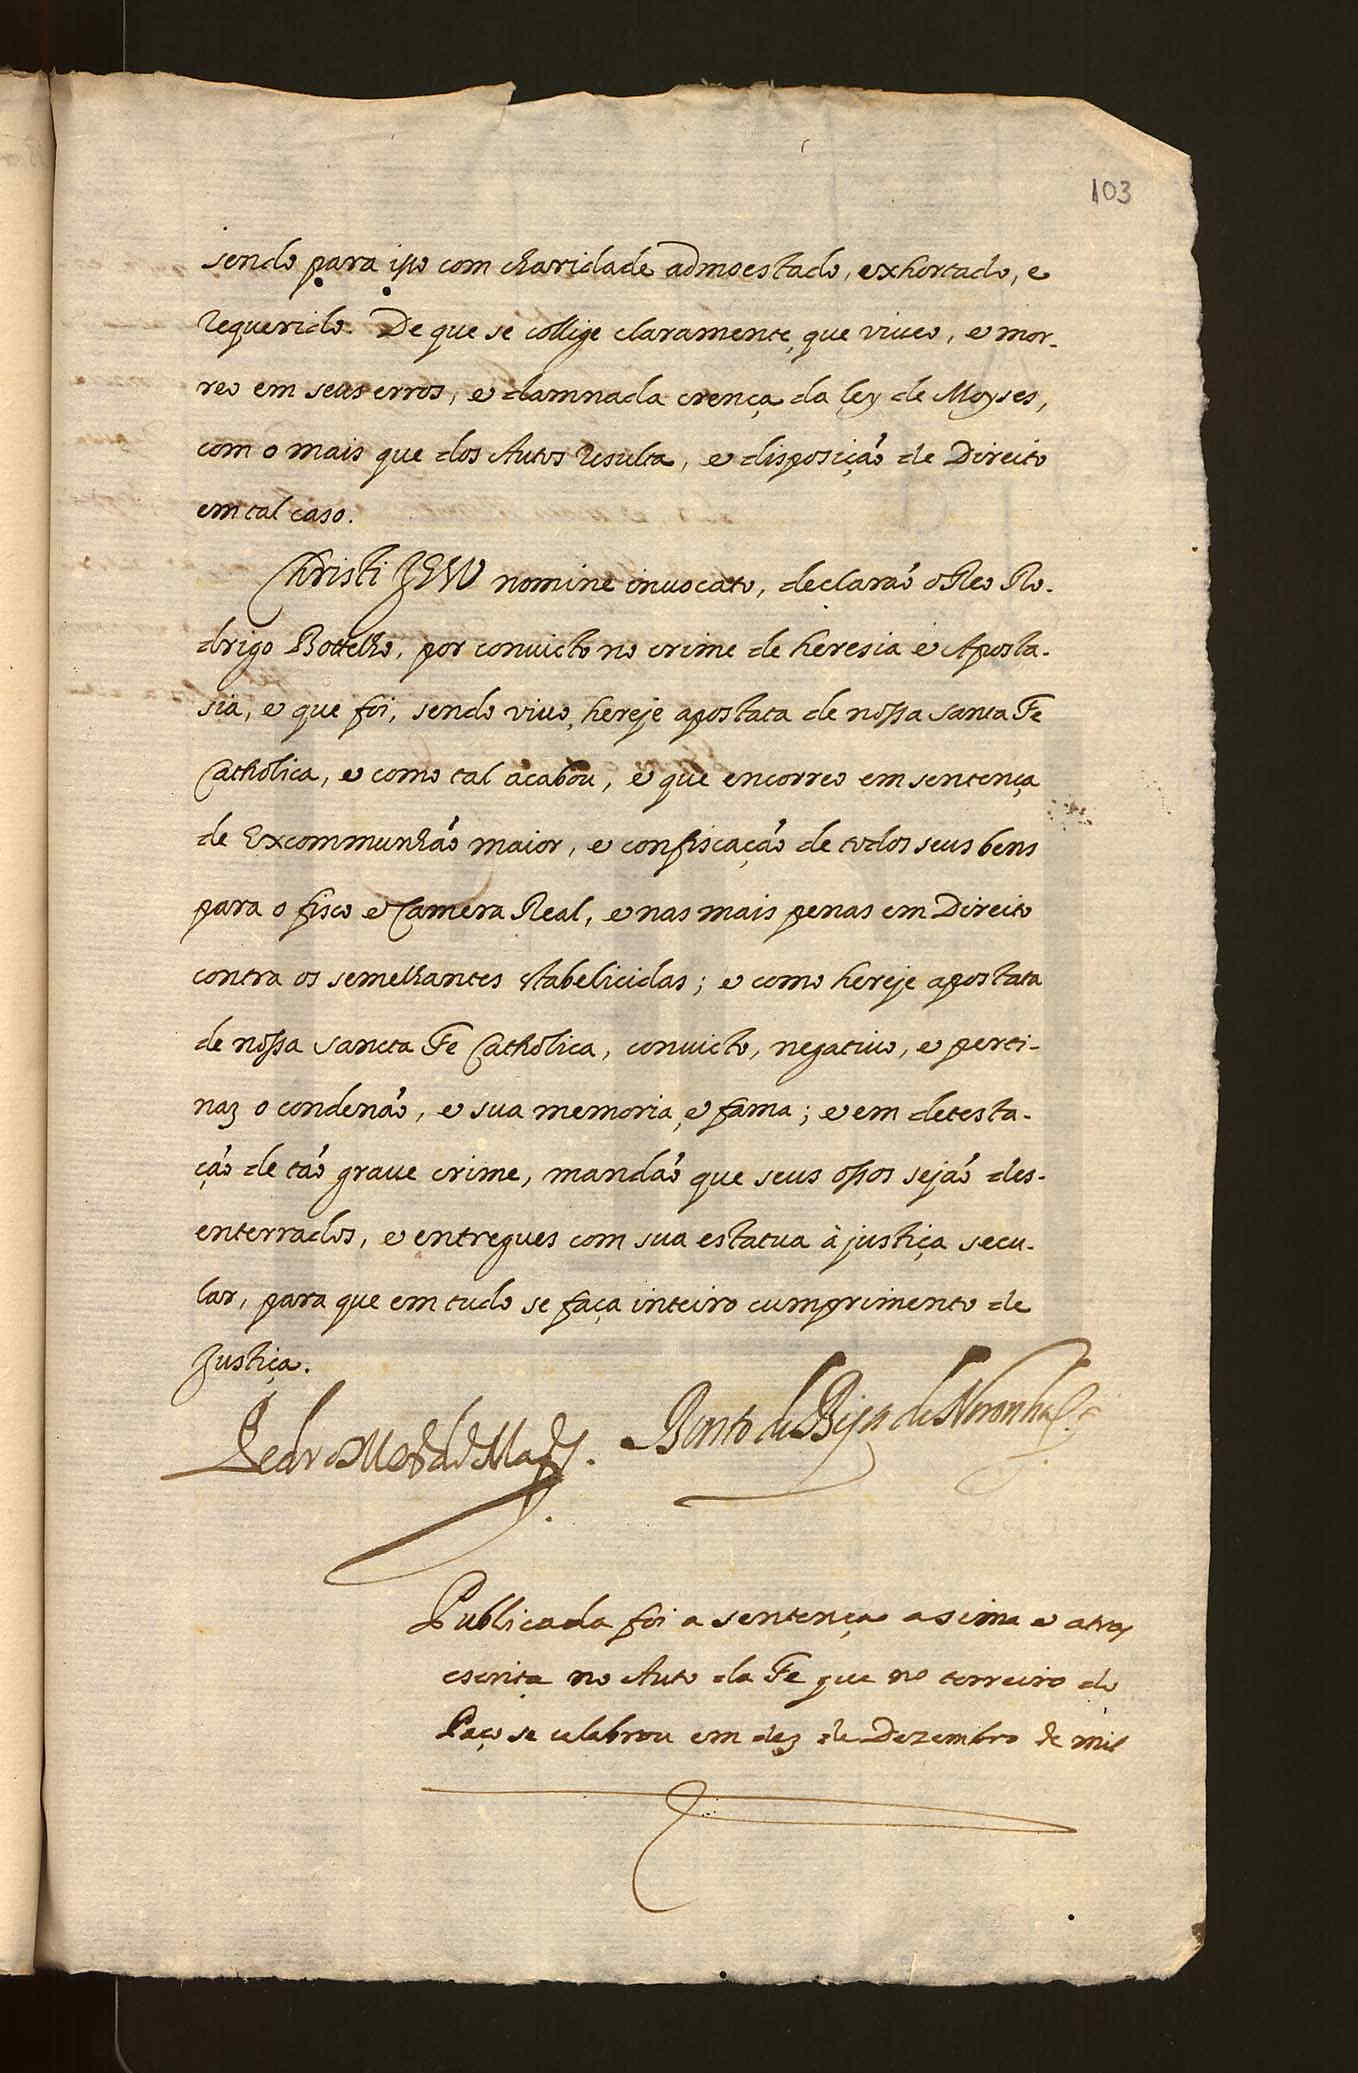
sendo para isso com charidade admoestado, exhortado, e
requerido. De que se collige claramente, que viueo, e mor
reo em seus erros, e damnada crença da ley de Moyses,
com o mais que dos Autos resulta, e disposiçaõ de Direito
em tal caso.
Christi JESV nomine inuocato, declaraõ o Reo Ro
drigo Bottelho, por conuicto no crime de heresia e Aposta
sia, e que foi, sendo viuo, hereje apostata de nossa santa Fe
Catholica, e como tal acabou, e que encorreo em sentença
de Excommunhão maior, e confiscação de todos seus bens
para o fisco e Camera Real, e nas mais penas em Direito
contra os semelhantes estabelicidas; e como hereje apostata
de nossa sancta Fe Catholica, conuicto, negatiuo, e perti
naz o condenaõ, e sua memoria, e fama; e em detesta
çaõ de taõ graue crime, mandaõ que seus ossos sejaõ des
enterrados, e entregues com sua estatua à justiça secu
lar, para que em tudo se faça inteiro cumprimento de
Justiça.
Pedro Mexa de Mages. Bento de Beja de Noronha
Publicada foi a sentença asima a atras
escrita no Auto da Fe que no terreiro do
Paço se calabrou em dez de Dezembro de mil
